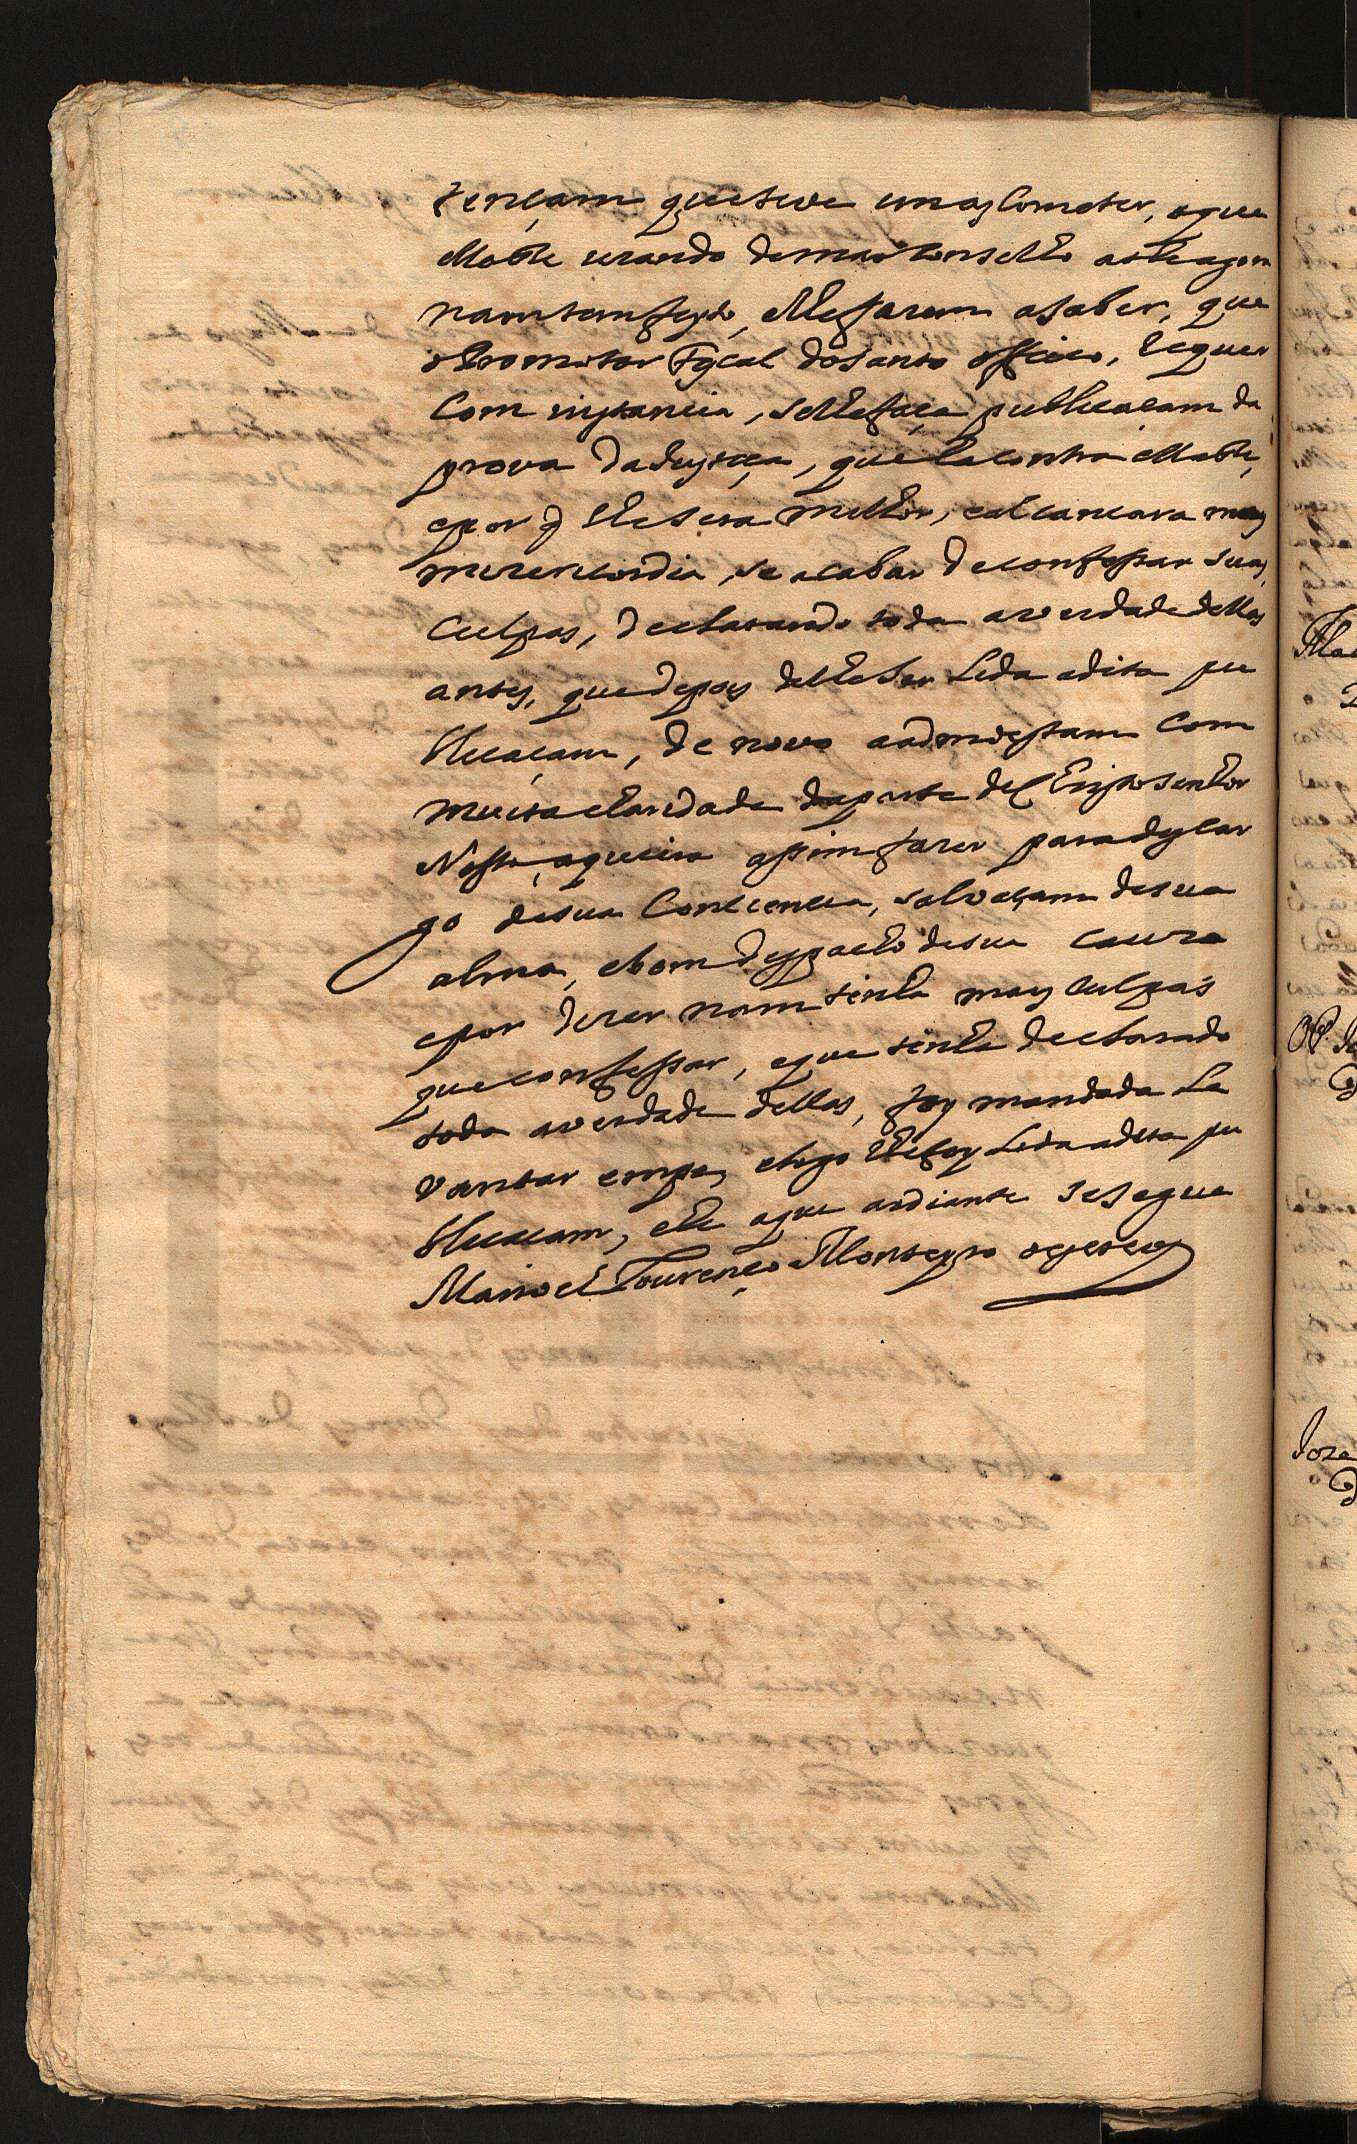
tençam que teve em as cometer, o que
ella Re uzando de mao conselho athe agor
nam tem feyto, e lhe fazem a saber, que
o Promotor Fiscal do santo officio, Requer
com instancia, se lhe faça publicaçam da
prova da Iustiça, que ha contra ella Re,
e porq̄ lhe sera melhor, e alcançara m
mezericordia, se acabar de confessar suas
culpas, declarando toda a verdade dellas
antes, que depois de lhe ser Lida a dita pu
blicaçam, de novo a admoestam com
muita charidade da parte de Christo senhor
Nosso a queira assim fazer para descar
go de sua conciencia, salvaçam de sua
alma, e bom despacho de sua cauza
e por dizer nam tinha mais culpas
que confessar, e que tinha declarado
toda a verdade dellas, foy mandada Le
vantar em pe, e logo lhe foy Lida a dita pu
blicaçam, e he a que ao diante se segue
Manoel Lourenço Monteyro o escrevj
